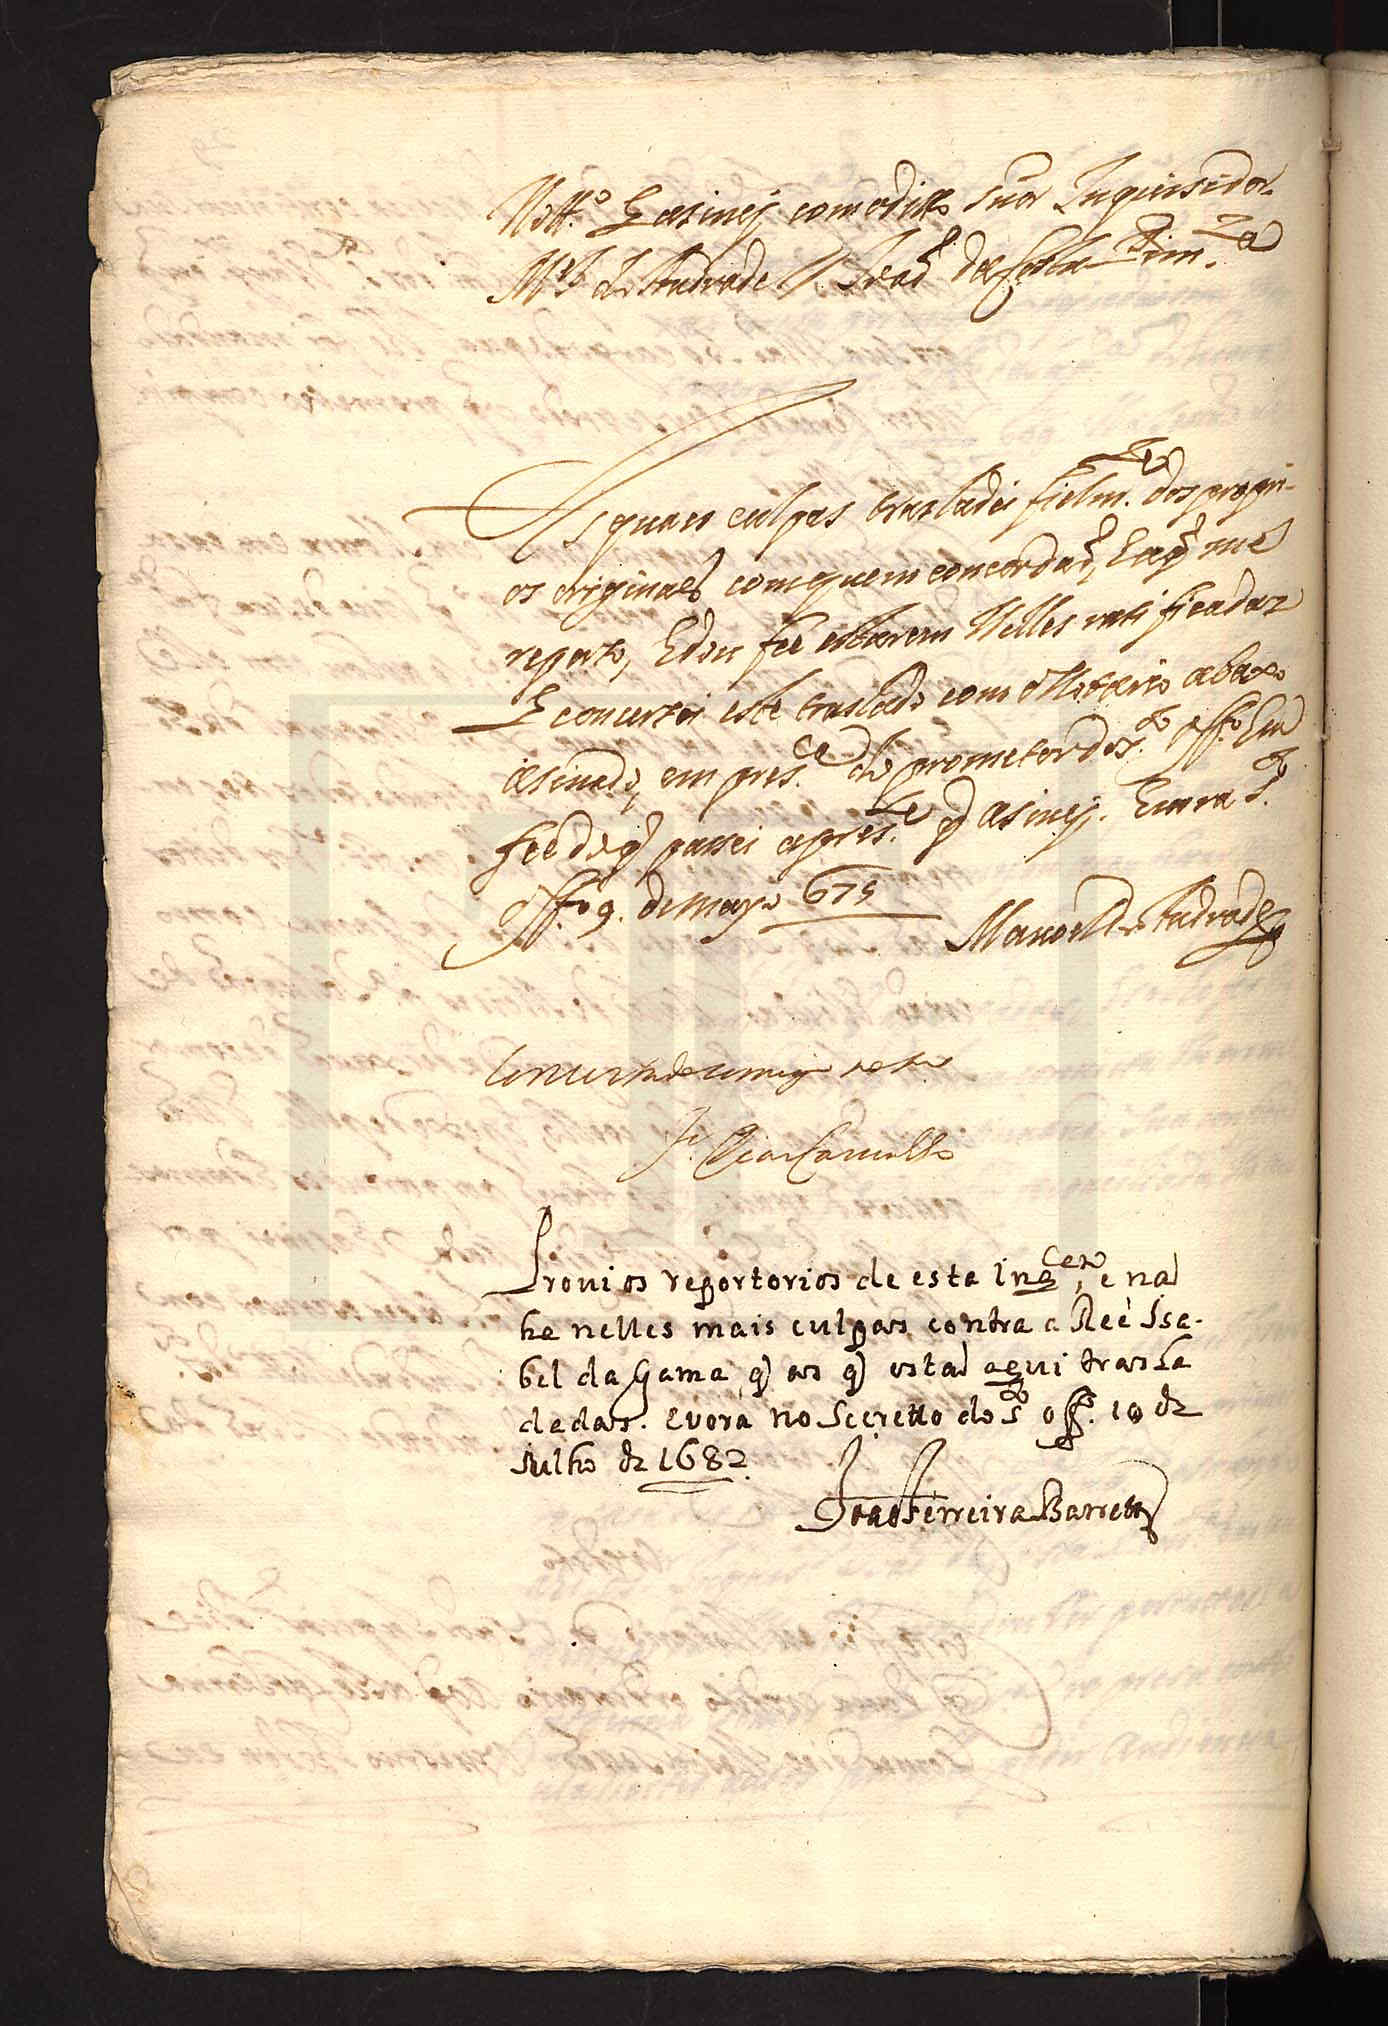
Nott.o E asinej com o ditto snōr Inquisidor.
M.el de Andrade // Ioaõ da Costa Pim.ta
As quaes culpas trasladei fielm.te dos propri
os originaes com quem concordaõ, E a q̄ me
reporto, E dou fee estarem Nelles ratificadaz
E concertei este traslado com o Notario abaxo
asinado, em pres.ça do prometor do s.to off.o Em
fee do q̄ passei a pres.te q̄ asinej. Euora s.to
off.o 9 de Mayo 675
Manoel de Andrade
concertado comigo not.ro
J.o Dias Carualho
Proui os reportorios de esta inq.çam e nā
ha nelles mais culpas contra a Reé Isa
bel da Gama, q̄ as q̄ estaõ aqui trasla
dadas. Evora no Secretto do sto off.o 10 de
Iulho de 1682
Ioaõ Ferreira Barreto
